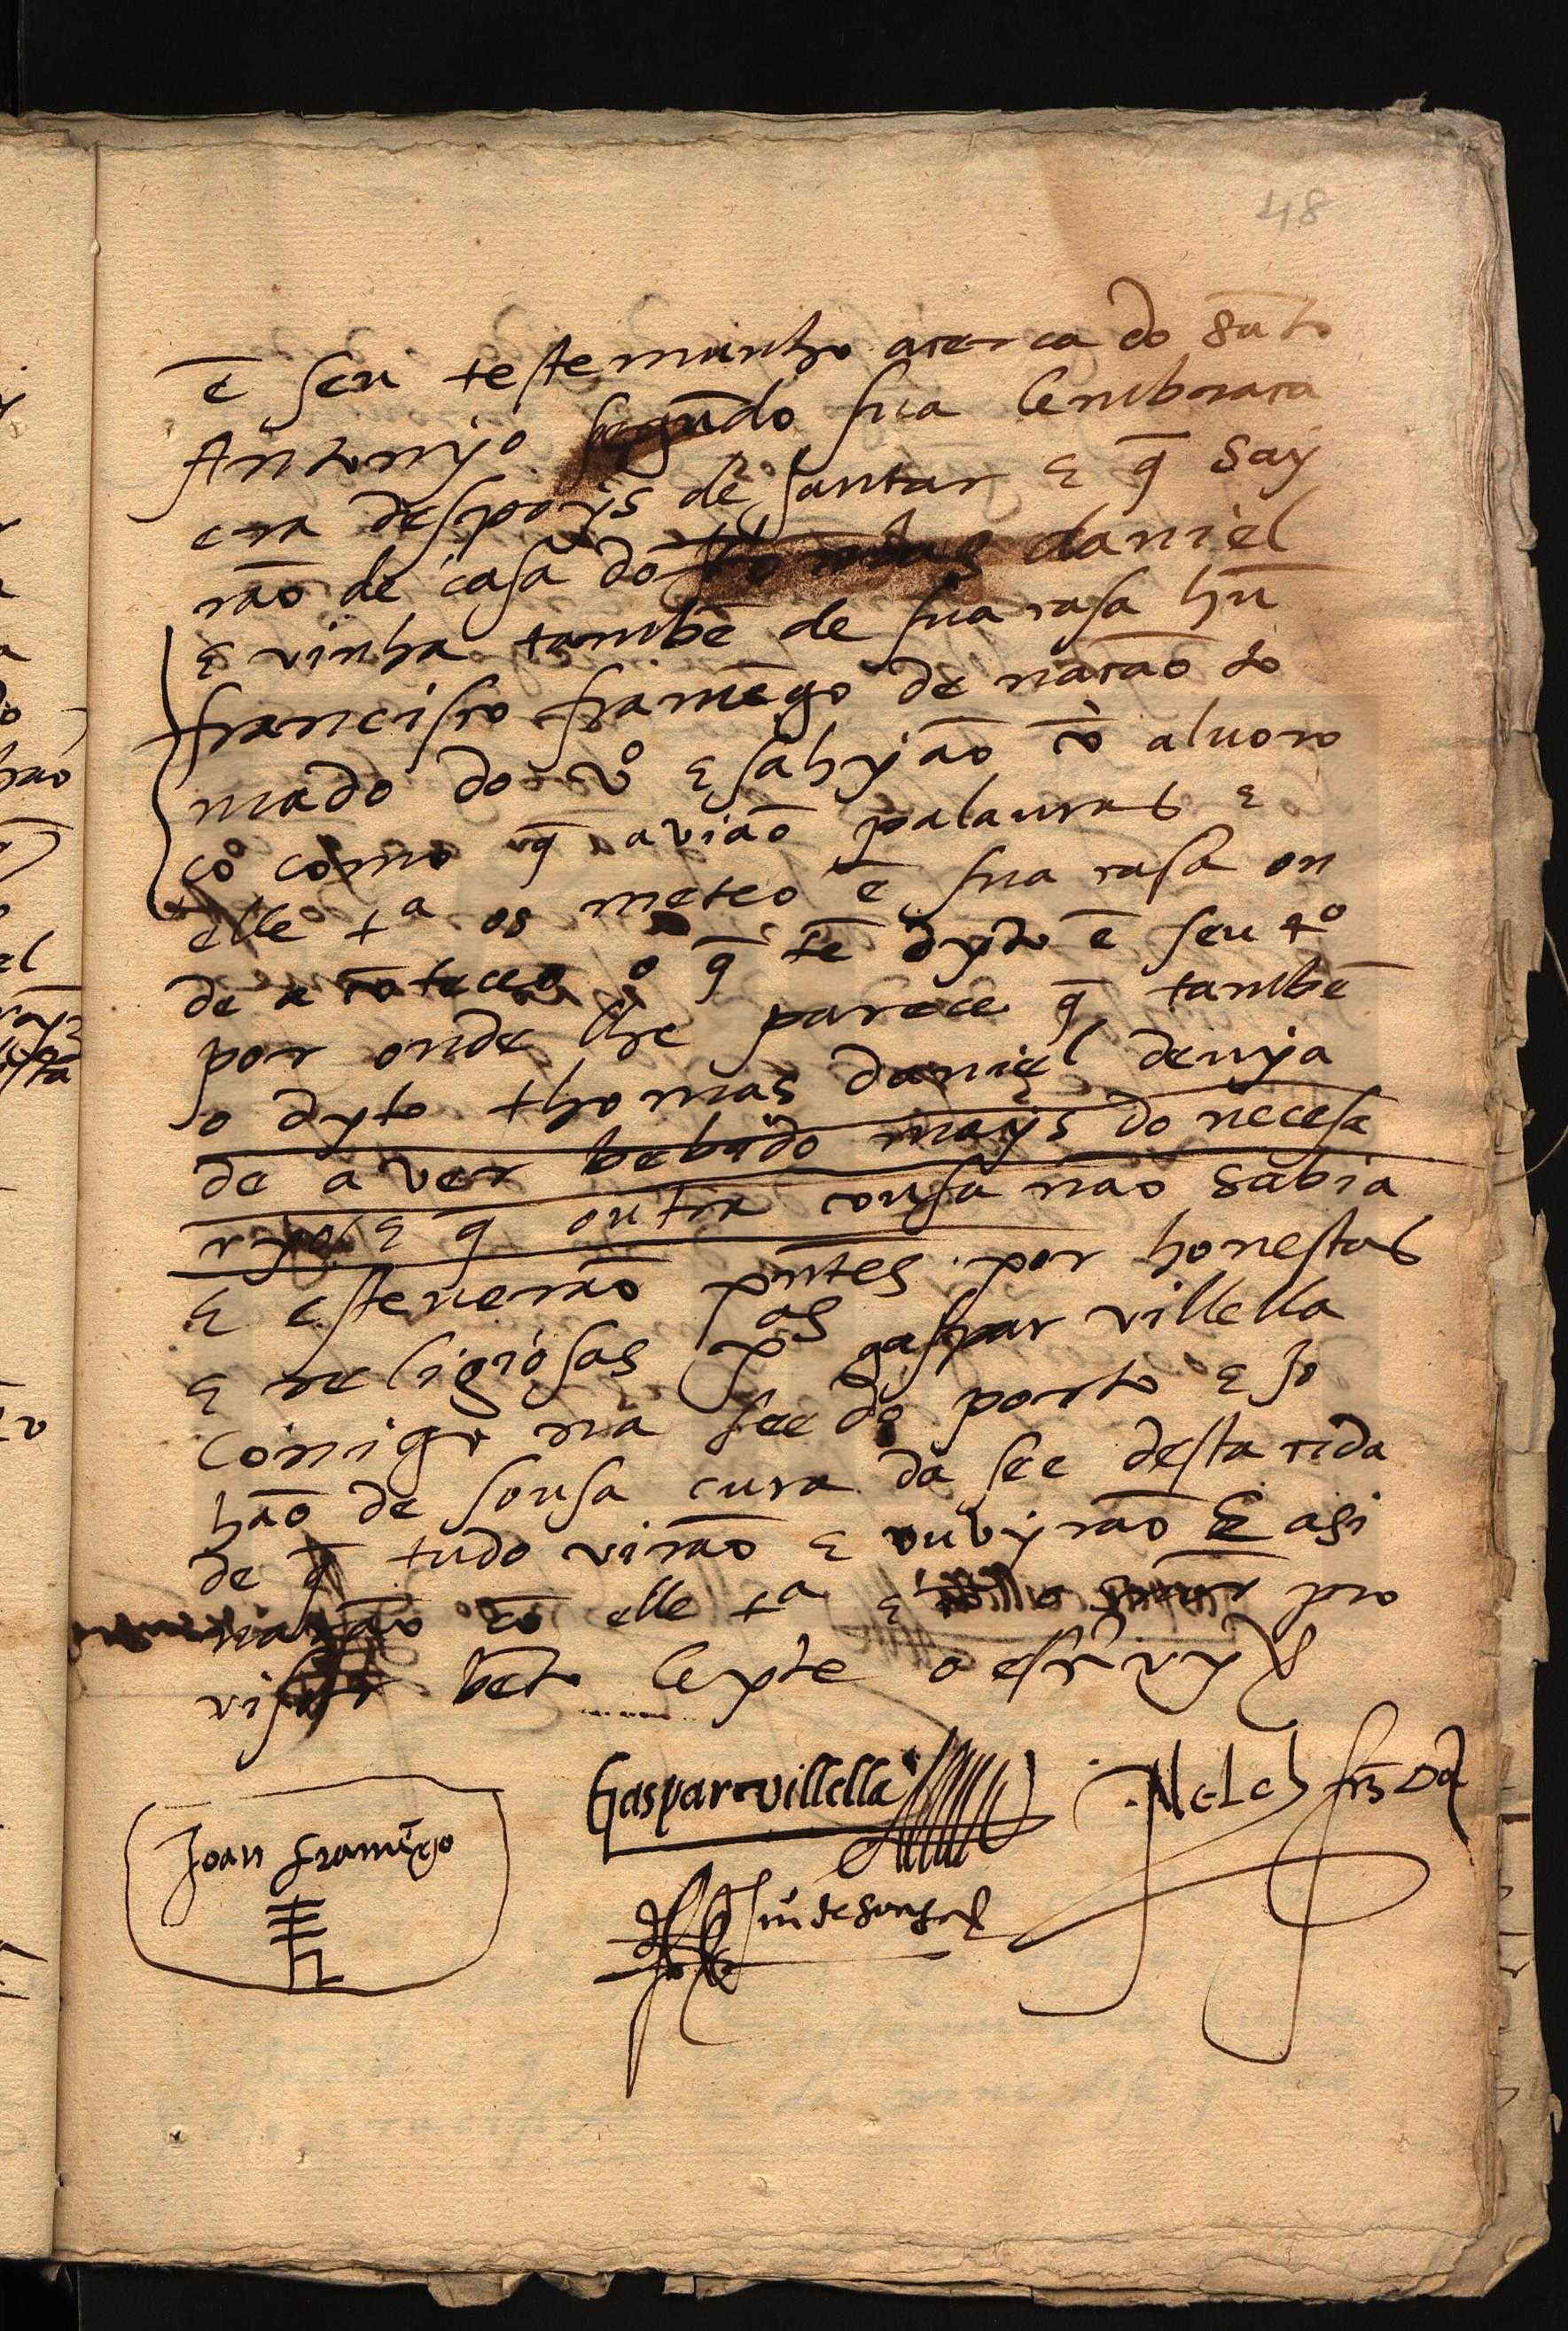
ē seu testemunho acerca do sāto
Antonyo segūdo sua lembraça
era despoys de Jantar E q̄ say
rão de casa do thomas daniel
E vinha tambē de sua casa hū
francisco framēgo de nação to
mado do vo E sahyão cō aluoro
ço como q̄ aviaõ palauras E
elle ta os meteo ē sua casa on
de acōteceo o q̄ tē dyto ē seu to
por onde lhe parece q̄ tambē
o dyto thomas daniel deuya
de aver bebido mays do necesa
ryo / E q̄ outra cousa não sabia
E esteueraõ pn̄tes por honestas
E religiosas pas gaspar villella
conigo na see de porto E Jo
hão de SouSa cura da See desta cida
de q̄ tudo virão E ouvyraõ E asi
narão cō elle ta E c̄o o sn̄or pro
visor bēto leyte o esc̄vy
Melch frz̄
Gaspar villella
Joan framēgo
Jmo de sousa
